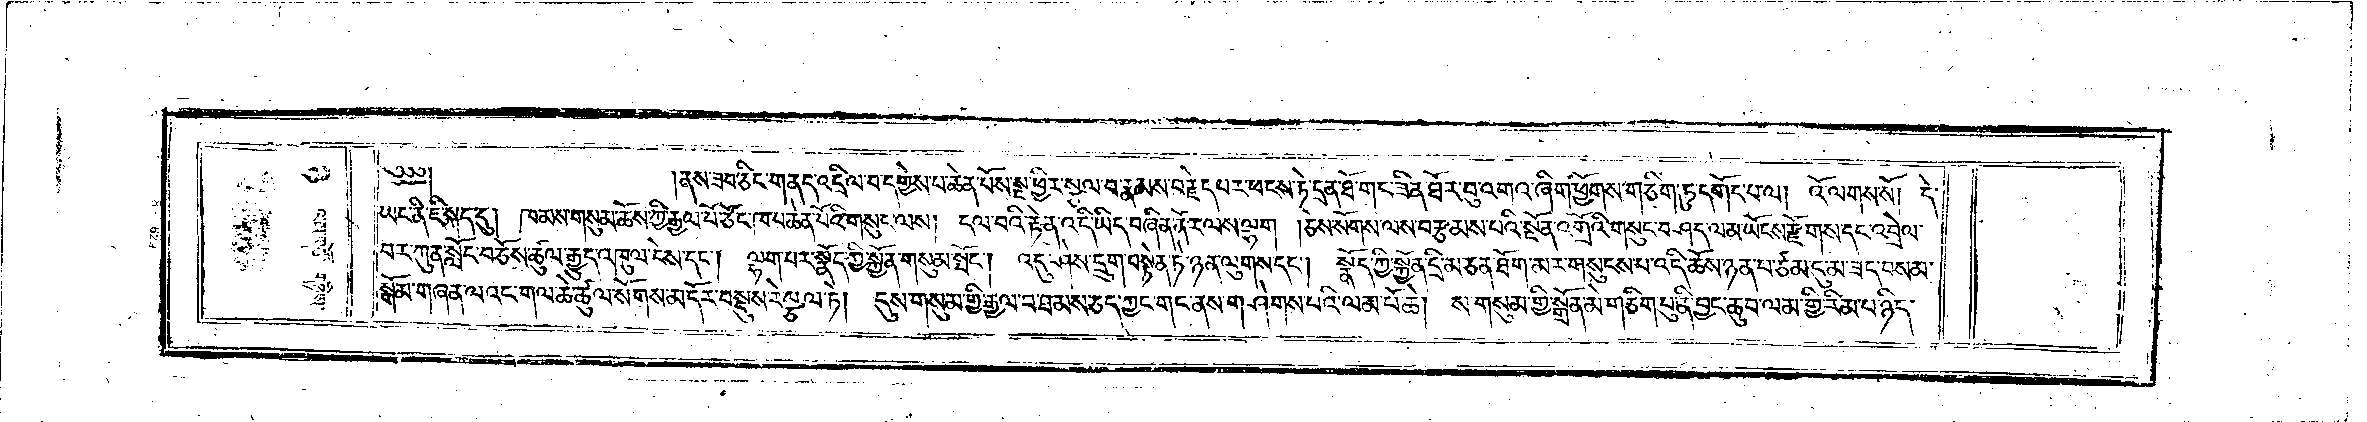༄༅། །ནས་ཟབ་ཅིང་གནད་འདྲིལ་བ་དགྱེས་པ་ཆེན་པོས་སྔ་ཕྱིར་སྩལ་བ་རྣམས་བརྗེད་པར་ཕངས་ཏེ་དྲན་ཐོ་གང་ཟིན་ཐོར་བུ་འགའ་ཞིག་ཕྱོགས་གཅིག་ཏུ་དགོད་པ་ལ། འོ་ལགས་སོ། དེ་
ཡང་ནི་ཇི་སྐད་དུ། ཁམས་གསུམ་ཆོས་ཀྱི་རྒྱལ་པོ་ཙོང་ཁ་པ་ཆེན་པོའི་གསུང་ལས། དལ་བའི་རྟེན་འདི་ཡིད་བཞིན་ནོར་ལས་ལྷག །ཅེས་སོགས་ལས་བརྩམས་པའི་སྔོན་འགྲོའི་གསུང་བཤད་ལམ་ཡོངས་རྫོགས་དང་འབྲེལ་
བར་ཀུན་སློང་བཅོས་ཚུལ་རྒྱུད་འཁུལ་ངེས་དང་། ལྷག་པར་སྣོད་ཀྱི་སྐྱོན་གསུམ་སྤོང་། འདུ་ཤེས་དྲུག་བསྟེན་ཏེ་ཉན་ལུགས་དང་། སྣོད་ཀྱི་སྐྱོན་དྲི་མ་ཅན་ཐོག་མར་གསུངས་པ་འདི་ཆོས་ཉན་པ་ཙམ་དུ་མ་ཟད་བསམ་
སྒོམ་གཞན་ལའང་གལ་ཆེ་ཚུལ་སོགས་མདོར་བསྡུས་རེ་སྩལ་ཏེ། དུས་གསུམ་གྱི་རྒྱལ་བ་ཐམས་ཅད་ཀྱང་གང་ནས་གཤེགས་པའི་ལམ་པོ་ཆེ། ས་གསུམ་གྱི་སྒྲོན་མེ་གཅིག་པུ་ནི་བྱང་ཆུབ་ལམ་གྱི་རིམ་པ་ཉིད་